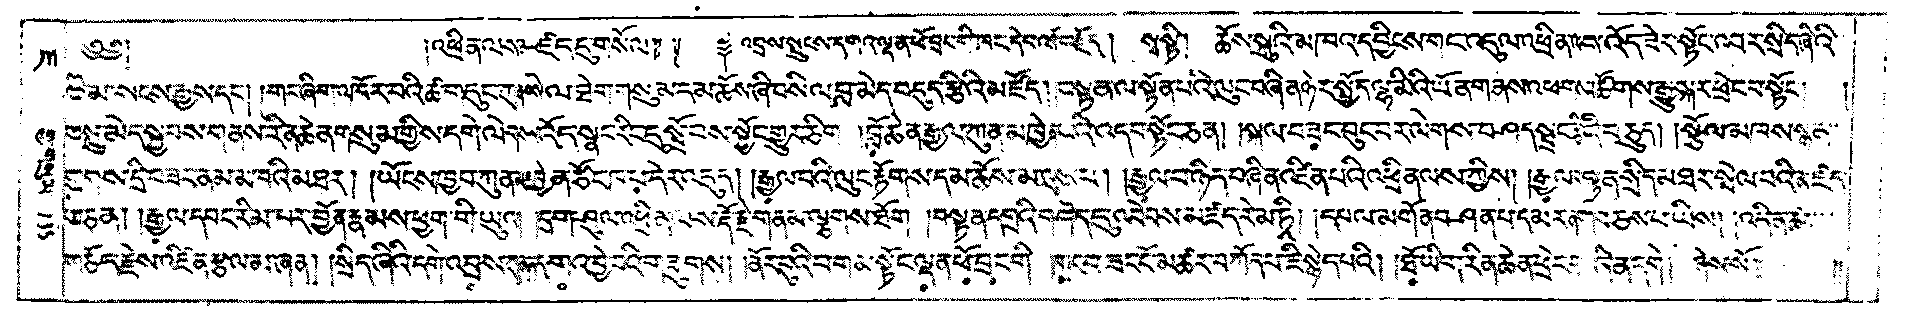༄༅། །འཕྲིན་ལས་མཛད་དུ་གསོལ།། །།༈ འབྲས་སྤུངས་དགའ་ལྡན་ཕོ་བྲང་གི་ཁང་དེབ་འགོ་བརྗོད།  སྭ་སྟི། ཆོས་སྐུའི་མཁའ་དབྱིངས་གང་འདུལ་འཕྲིན་ལས་འོད་ཟེར་སྟོང་འབར་སྲིད་ཞིའི་
ཉི་མ་སངས་རྒྱས་དང་། །གང་ཞིག་འཁོར་བའི་ཚ་གདུང་ཀུན་སེལ་ཐེག་གསུམ་དམ་ཆོས་ཞི་བསིལ་བླ་མེད་བདུད་རྩིའི་མཛོད། །བསྟན་ལ་སྟོན་པའི་ལུང་བཞིན་ཉེར་སྤྱོད་ལྷ་མིའི་ཡོན་གནས་འཕགས་ཚོགས་རྒྱུ་སྐར་ཕྲེང་བ་སྟོང་། །
བསླུ་མེད་སྐྱབས་གནས་རིན་ཆེན་གསུམ་གྱིས་དགེ་ལེགས་འོད་སྣང་རིང་དུ་སྤྲོ་བས་སྐྱོང་གྱུར་ཅིག །བློ྾་ཆེན་རྒྱལ་ཀུན་མཁྱེན་པའི་འདབ་སྟོང་ཅན། །སྐལ་བཟང྾་བུང་བར་ལེགས་བཤད་སྦྲང་རྩིའི་བཅུད། །སྩོལ་མཁས་སྙན་
གྲགས྾་དྲི་བཟང་ནམ་མཁའི་མཐར། །ཡོངས་ཁྱབ་ཀུན་མཁྱེན་ཙོང་ཁ་པ྾་དེར་འདུད། །རྒྱལ྾་བའི་ལུང་རྟོགས་དམ་ཆོས་མ་ལུས་པ། །རྒྱལ྾་བ་ཉིད་བཞིན་འཛིན་པའི་འཕྲིན་ལས་ཀྱིས། །རྒྱལ྾་བསྟན་སྲིད་མཐར་སྤེལ་བའི་མཛད་
པ་ཅན། །རྒྱལ྾་དབང་རིམ་པར་བྱོན་རྣམས་ཕྱག་གི་ཡུལ། །དྲག་ཤུལ་འཕྲིན་ལས་རྡོ་རྗེ་གནམ་ལྕགས་ཐོག །བསྟན་དགྲའི་གཤེད་དུ་འབེབས་མཛད་རེ་མ་ཏཱི། །དཔལ་མགོན་བཤན་པ་དམར་ནག་བཅས་པ་ཡིས། །འདི་ན་ཚར་
གཅོད་རྗེས་འཛིན་རྩལ་མ་ཞན། །སྲིད་ཞིའི་དགེ་འབྲས྾་ཀུན་དགའ྾་བྱེ་བའི་གཟུགས། །ནོར་བུའི་བ་གམ་སྟོང་ལྡན྾་ཕོ྾་བྲང྾་གི །ཁང྾་བཟང་ངོ་མཚར་བཀོད་པ་ཇི་སྙེད་པའི། །ཐོ྾་ཡིག་རིན་ཆེན་ཕྲེང་བ་འདི་ན་དགེ། ཞེས་སོ།། །།